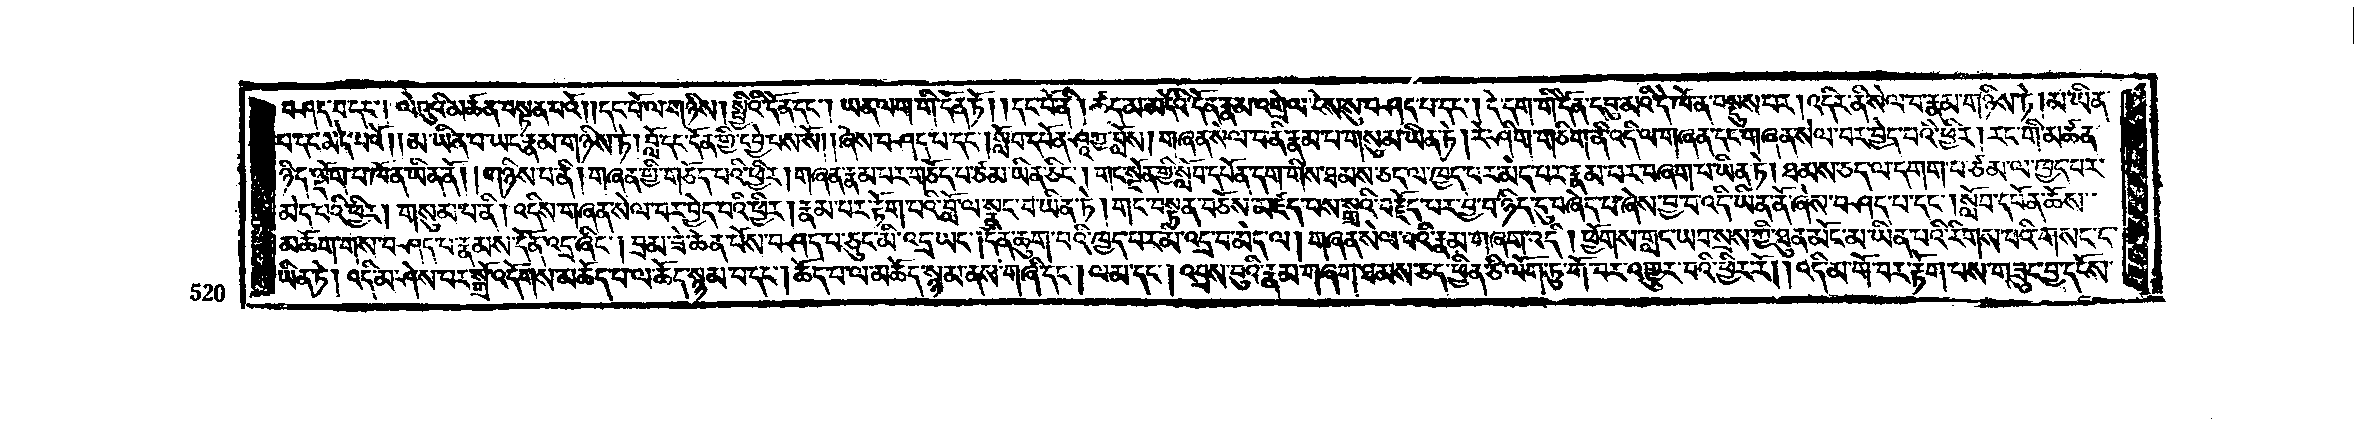བཤད་པ་དང་། ལེའུའི་མཚན་བསྟན་པའོ། །དང་པོ་ལ་གཉིས། སྤྱིའི་དོན་དང་། ཡན་ལག་གི་དོན་ཏོ། །དང་པོ་ནི། ཚད་མ་མདོའི་དོན་རྣམ་འགྲེལ་ངེས་སུ་བཤད་པ་དང་། དེ་དག་གི་དོན་དབུ་མའི་དེ་ཁོ་ན་བསྡུས་པར། འདིར་ནི་སེལ་བ་རྣམ་གཉིས་ཏེ། མ་ཡིན་
པ་དང་མེད་པའོ། །མ་ཡིན་པ་ཡང་རྣམ་གཉིས་ཏེ། བློ་དང་དོན་གྱི་དབྱེ་བས་སོ། །ཞེས་བཤད་པ་དང་། སློབ་དཔོན་ཤཱཀྱ་བློས། གཞན་སེལ་བ་ནི་རྣམ་པ་གསུམ་ཡིན་ཏེ། རེ་ཤིག་གཅིག་ནི་འདི་ལ་གཞན་དང་གཞན་སེལ་བར་བྱེད་པའི་ཕྱིར། རང་གི་མཚན་
ཉིད་ལྡོག་པ་ཁོ་ན་ཡིན་ནོ། །གཉིས་པ་ནི། གཞན་གྱི་གཅོད་པའི་ཕྱིར། གཞན་རྣམ་པར་གཅོད་པ་ཙམ་ཡིན་ཅིང་། གང་སྔོན་གྱི་སློབ་དཔོན་དག་གིས་ཐམས་ཅད་ལ་ཁྱད་པར་མེད་པར་རྣམ་པར་བཞག་པ་ཡིན་ཏེ། ཐམས་ཅད་ལ་དགག་པ་ཙམ་ལ་ཁྱད་པར་
མེད་པའི་ཕྱིར། གསུམ་པ་ནི། འདིས་གཞན་སེལ་བར་བྱེད་པའི་ཕྱིར། རྣམ་པར་རྟོག་པའི་བློ་ལ་སྣང་བ་ཡིན་ཏེ། གང་བསྟན་བཅོས་མཛད་པས་སྒྲའི་བརྗོད་པར་བྱ་བ་ཉིད་དུ་བཞེད་པ་ཞེས་བྱ་བ་འདི་ཡིན་ནོ་ཞེས་བཤད་པ་དང་། སློབ་དཔོན་ཆོས་
མཆོག་གིས་བཤད་པ་རྣམས་དོན་འདྲ་ཞིང་། བྲམ་ཟེ་ཆེན་པོས་བཤད་པ་ཅུང་མི་འདྲ་ཡང་། དོན་ཆུག་པའི་ཁྱད་པར་མི་འདྲ་བ་མེད་ལ། གཞན་སེལ་བའི་རྣམ་གཞག་འདི། ཕྱོགས་གླང་ཡབ་སྲས་ཀྱི་ཐུན་མོང་མ་ཡིན་པའི་རིགས་པའི་གསང་བ་
ཡིན་ཏེ། འདི་མ་ཤེ་སྤར་སྒྲོ་འདོགས་མཆོད་པ་ལ་ཆོད་སྙམ་པ་དང་། ཆོད་པ་ལ་མཆོད་སྙམ་ནས་གཞི་དང་། ལམ་དང་། འབྲས་བུའི་རྣམ་གཞག་ཐམས་ཅད་ཕྱིན་ཅི་ལོག་ཏུ་གོ་བར་འགྱུར་བའི་ཕྱིར་རོ། །འདི་མ་གོ་བར་རྟོག་པས་གཟུང་བྱ་དངོས་